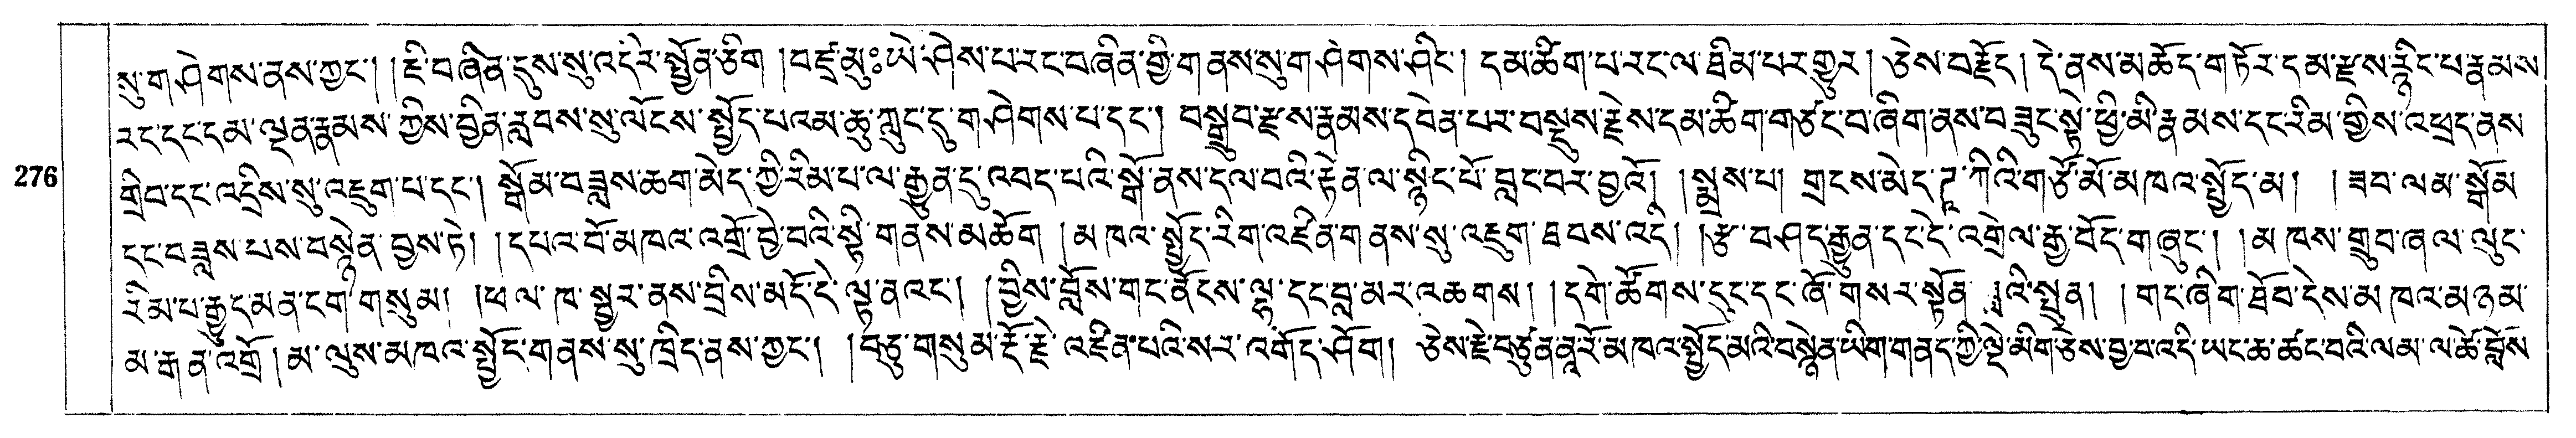སུ་གཤེགས་ནས་ཀྱང་། །ཇི་བཞིན་དུས་སུ་འདིར་སྤྱོན་ཅིག །བཛྲ་མུཿ ཡེ་ཤེས་པ་རང་བཞིན་གྱི་གནས་སུ་གཤེགས་ཤིང་། དམ་ཚིག་པ་རང་ལ་ཐིམ་པར་གྱུར། ཅེས་བརྗོད། དེ་ནས་མཚོང་གཏོར་དམ་རྫས་རྙིང་པ་རྣམས་
རང་དང་དམ་ལྡན་རྣམས་ཀྱིས་བྱིན་རླབས་སུ་ལོངས་སྤྱོད་པའམ་ཆུ་ཀླུང་དུ་གཤེགས་པ་དང་། བསྒྲུབ་རྫས་རྣམས་དབེན་པར་བསྡུས་རྗེས་དམ་ཚིག་གཙང་བ་ཞིག་ནས་བཟུང་སྟེ་ཕྱི་མི་རྣམས་དང་རིམ་གྱིས་འཕྲང་ནས་
གྲིབ་དང་འདྲིས་སུ་འཇུག་པ་དང་། སྒོམ་བཟླས་ཆག་མེད་ཀྱི་རིམ་པ་ལ་རྒྱུན་དུ་འབད་པའི་སྒོ་ནས་དལ་བའི་རྟེན་ལ་སྙིང་པོ་བླང་བར་བྱའོ། །སྨྲས་པ། གྲངས་མེད་ཌཱ་ཀིའི་གཙོ་མོ་མཁའ་སྤྱོད་མ། །ཟབ་ལམ་སྒོམ་
དང་བཟླས་པས་བསྙེན་བྱས་ཏེ། །དཔའ་བོ་མཁའ་འགྲོ་བྱེ་བའི་སྟི་གནས་མཆོག །མཁའ་སྤྱོད་རིག་འཛིན་གནས་སུ་འཇུག་ཐབས་འདི། །རྩ་བཤད་རྒྱུད་དང་ངེ་འགྲེལ་རྒྱ་བོད་གཞུང་། །མཁས་གྲུབ་ཞལ་ལུང་
རིམ་བརྒྱད་མན་ངག་གསུམ། །ཕལ་ཁ་སྦྱར་ནས་བྲིས་མོད་དེ་ལྟ་ནའང་། །བྱིས་བློས་གང་ནོངས་ལྷ་དང་བླ་མར་འཆགས། །དགེ་ཚོགས་དུང་དང་ཞོ་གསར་སྟོན་ཟླའི་སྤུན། །གང་ཞིག་ཐོབ་དེས་མཁའ་མཉམ་
མ་རྒན་འགྲོ་།མ་ལུས་མཁའ་སྤྱོད་གནས་སུ་ཁྲིད་ནས་ཀྱང་། །བཅུ་གསུམ་རྡོ་རྗེ་འཛིན་པའི་སར་འགོད་ཤོག །ཅེས་རྔ་བཙུན་ནཱ་རོ་མཁའ་སྤྱོད་མའི་བསྙེན་ཡིག་གནད་ཀྱི་ལྡེ་མིག་ཅེས་བྱ་བ་འདི་ཡང་ཆ་ཚང་བའི་ལམ་ལ་ཚེ་བློས་